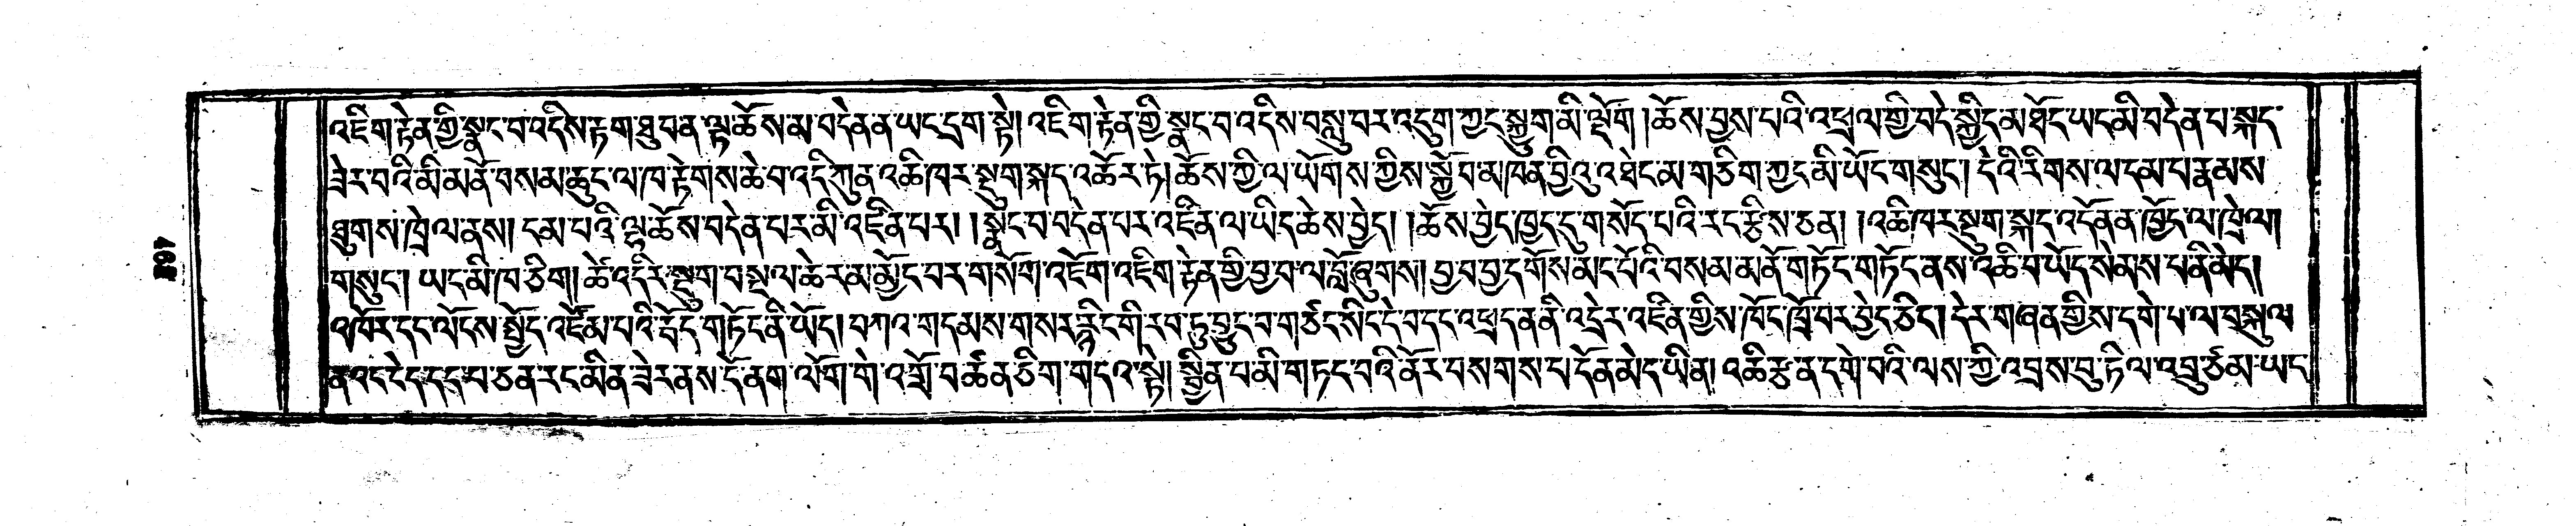འཇིག་རྟེན་གྱི་སྣང་བ་འདིས་རྟག་ཐུབ་ན་ལྟ་ཆོས་མ་བདེན་ན་ཡང་དྲག་སྟེ། འཇིག་རྟེན་གྱི་སྣང་བ་འདིས་བསླུ་བར་འདུག་ཀྱང་སྐྱུག་མི་ལྡོག །ཆོས་བྱས་པའི་འཕྲལ་གྱི་བདེ་སྐྱིད་མཐོང་ཡང་མི་བདེན་པ་སྐད་
ཟེར་བའི་མི་མནོ་བསམ་ཆུང་ལ་ཁ་རྟོགས་ཆེ་བ་འདི་ཀུན་འཆི་ཁར་སྡུག་སྐད་འཆོར་ཏེ། ཆོས་ཀྱི་ལ་ཡོགས་ཀྱིས་སྐྱོབ་མཁན་བྱིའུ་འཐེང་མ་གཅིག་ཀྱང་མི་ཡོང་གསུང་། དེའི་རིགས་ལ་དམ་པ་རྣམས་
ཐུགས་ཁྲེལ་ནས། དམ་པའི་ལྷ་ཆོས་བདེན་པར་མི་འཛིན་པར། །སྣང་བ་བདེན་པར་འཛིན་ལ་ཡིད་ཆེས་བྱེད། །ཆོས་བྱེད་ཁྱད་དུ་གསོད་པའི་རང་རྩིས་ཅན། །འཆི་ཁར་སྡུག་སྐད་འདོན་ན་ཁྱོད་ལ་ཁྲེལ།
གསུང་། ཡང་མི་ཁ་ཅིག །ཚེ་འདིར་སྡུག་བསྔལ་ཆེར་མ་མྱོང་བར་གསོག་འཇོག་འཇིག་རྟེན་གྱི་བྱ་བ་ལ་བློ་ཞུགས། བྱ་བ་བྱ་དགོས་མང་པོའི་བསམ་མནོ་གཏོང་གཏོང་ནས་འཆི་བ་ཡོད་སེམས་པ་ནི་མེད།
འཁོར་དང་ལོངས་སྤྱོད་འཛོམ་པའི་རྦོད་གཏོང་ནི་ཡོད། བཀའ་གདམས་གསར་རྙིང་གི་རབ་ཏུ་བྱུང་བ་གཙང་སིང་ངེ་བ་དང་འཕྲད་ན་ནི་འདྲེར་འཛིན་གྱིས་ཁོང་ཁྲོ་བར་བྱེད་ཅིང་། དེར་གཞན་གྱིས་དགེ་བ་ལ་བསྐུལ་
ནའང་ངེད་དད་པ་ཅན་རང་མིན་ཟེར་ནས་ངོ་ནག་ལོག་གེ་འགྲོ་བ་ཚན་ཅིག་གདའ་སྟེ། སྦྱིན་པ་མི་གཏང་བའི་ནོར་བསགས་པ་དོན་མེད་ཡིན། འཆི་རྩ་ན་དགེ་བའི་ལས་ཀྱི་འབྲས་བུ་ཏིལ་འབྲུ་ཙམ་ཡང་